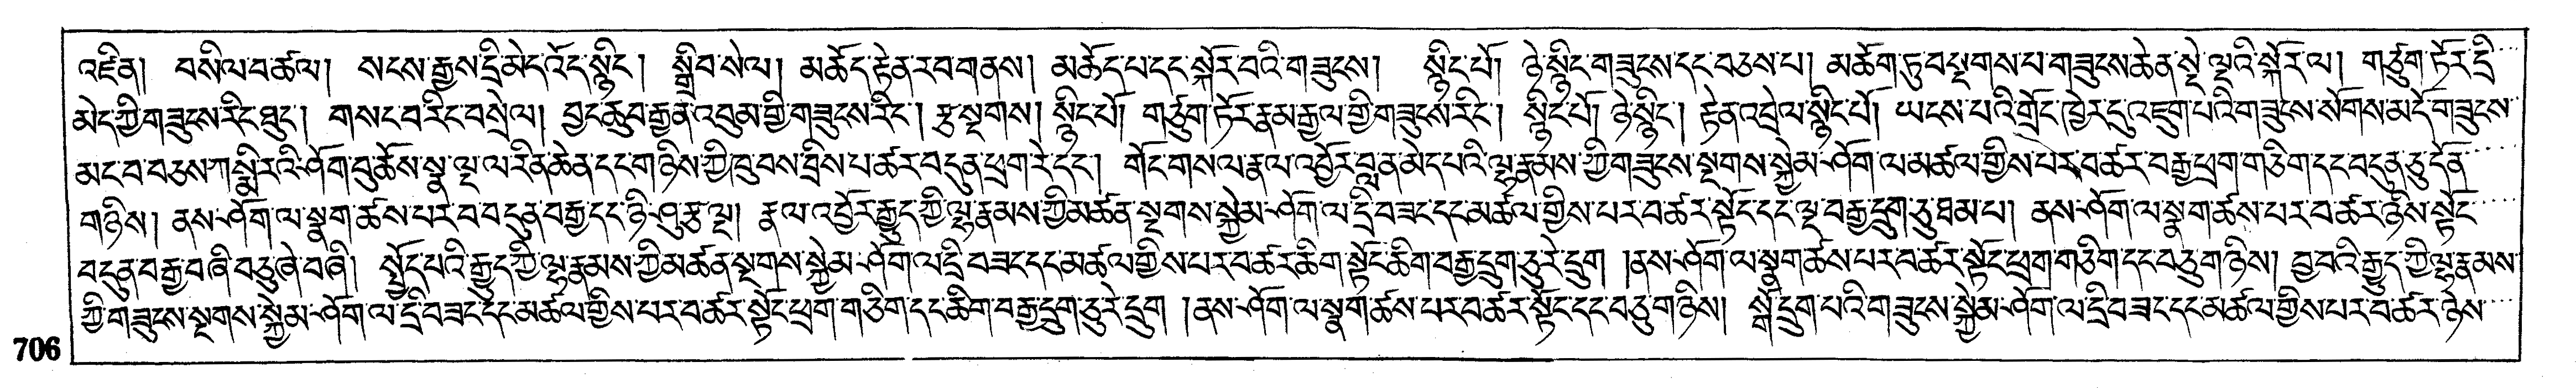འཛིན། བསིལ་བ་ཚལ། སངས་རྒྱས་དྲི་མེད་འོད་སྙིང་། སྒྲིབ་སེལ། མཆོད་རྟེན་རབ་གནས། མཆོད་པ་དང་སྐོར་བའི་གཟུངས། སྙིང་པོ། ཉེ་སྙིང་གཟུངས་དང་བཅས་པ། མཆོག་ཏུ་བསྔགས་པ་གཟུངས་ཆེན་སྡེ་ལྔའི་སྐོར་ལ། གཙུག་ཏོར་དྲི་
མེད་ཀྱི་གཟུངས་རིང་ཐུང་། གསང་བ་རིང་བསྲེལ། བྱང་ཆུབ་རྒྱན་འབུམ་གྱི་གཟུངས་རིང་། རྩ་སྔགས། སྙིང་པོ། གཙུག་ཏོར་རྣམ་རྒྱལ་གྱི་གཟུངས་རིང་། སྙིང་པོ། ཉེ་སྙིང་། རྟེན་འབྲེལ་སྙིང་པོ། ཡངས་པའི་གྲོང་ཁྱེར་དུ་འཇུག་པའི་གཟུངས་སོགས་མདོ་གཟུངས་
མང་བ་བཅས་ཀ་སྨི་རའི་ཤོག་བུ་ཚོས་སྣ་ལྔ་ལ་རིན་ཆེན་དང་གཉིས་ཀྱི་ཁུ་བས་བྲིས་པ་ཚར་བདུན་ཕྲག་རེ་དང་། གོང་གསལ་རྣལ་འབྱོར་བླ་ན་མེད་པའི་ལྷ་རྣམས་ཀྱི་གཟུངས་སྔགས་སྐྱེ་མ་ཤོག་ལ་མཚལ་གྱིས་པར་བ་ཚར་བརྒྱ་ཕྲག་གཅིག་དང་བདུན་ཅུ་དོན་
གཉིས། ནས་ཤོག་ལ་སྣག་ཚས་པར་བ་བདུན་བརྒྱ་དང་ཉི་ཤུ་རྩ་ལྔ། རྣལ་འབྱོར་རྒྱུད་ཀྱི་ལྷ་རྣམས་ཀྱི་མཚན་སྔགས་སྐྱེམ་ཤོག་ལ་དྲི་བཟང་དང་མཚལ་གྱིས་པར་བ་ཚར་སྟོང་དང་ལྔ་བརྒྱ་དྲུག་ཅུ་ཐམ་པ། ནས་ཤོག་ལ་སྣག་ཚས་པར་བ་ཚར་ཉིས་སྟོང་
བདུན་བརྒྱ་བཞི་བཅུ་ཞེ་བཞི། སྤྱོད་པའི་རྒྱུད་ཀྱི་ལྷ་རྣམས་ཀྱི་མཚན་སྔགས་སྐྱེམ་ཤོག་ལ་དྲི་བཟང་དང་མཚལ་གྱིས་པར་བ་ཚར་ཆིག་སྟོང་ཆིག་བརྒྱ་དྲུག་ཅུ་རེ་དྲུག །ནས་ཤོག་ལ་སྣག་ཚ་པར་བ་ཚར་སྟོང་ཕྲག་གཅིག་དང་བཅུ་གཉིས། བྱ་བའི་རྒྱུད་ཀྱི་ལྷ་རྣམས་
ཀྱི་གཟུངས་སྔགས་སྐྱེམ་ཤོག་ལ་དྲི་བཟང་དང་མཚལ་གྱིས་པར་བ་ཚར་སྟོང་ཕྲག་གཅིག་དང་ཆིག་བརྒྱ་དྲུག་ཅུ་རེ་དྲུག །ནས་ཤོག་ལ་སྣག་ཚས་པར་བ་ཚར་སྟོང་དང་བཅུ་གཉིས། སྒོ་དྲུག་པའི་གཟུངས་སྐྱེམ་ཤོག་ལ་དྲི་བཟང་དང་མཚལ་གྱིས་བར་བ་ཚར་ཉིས་